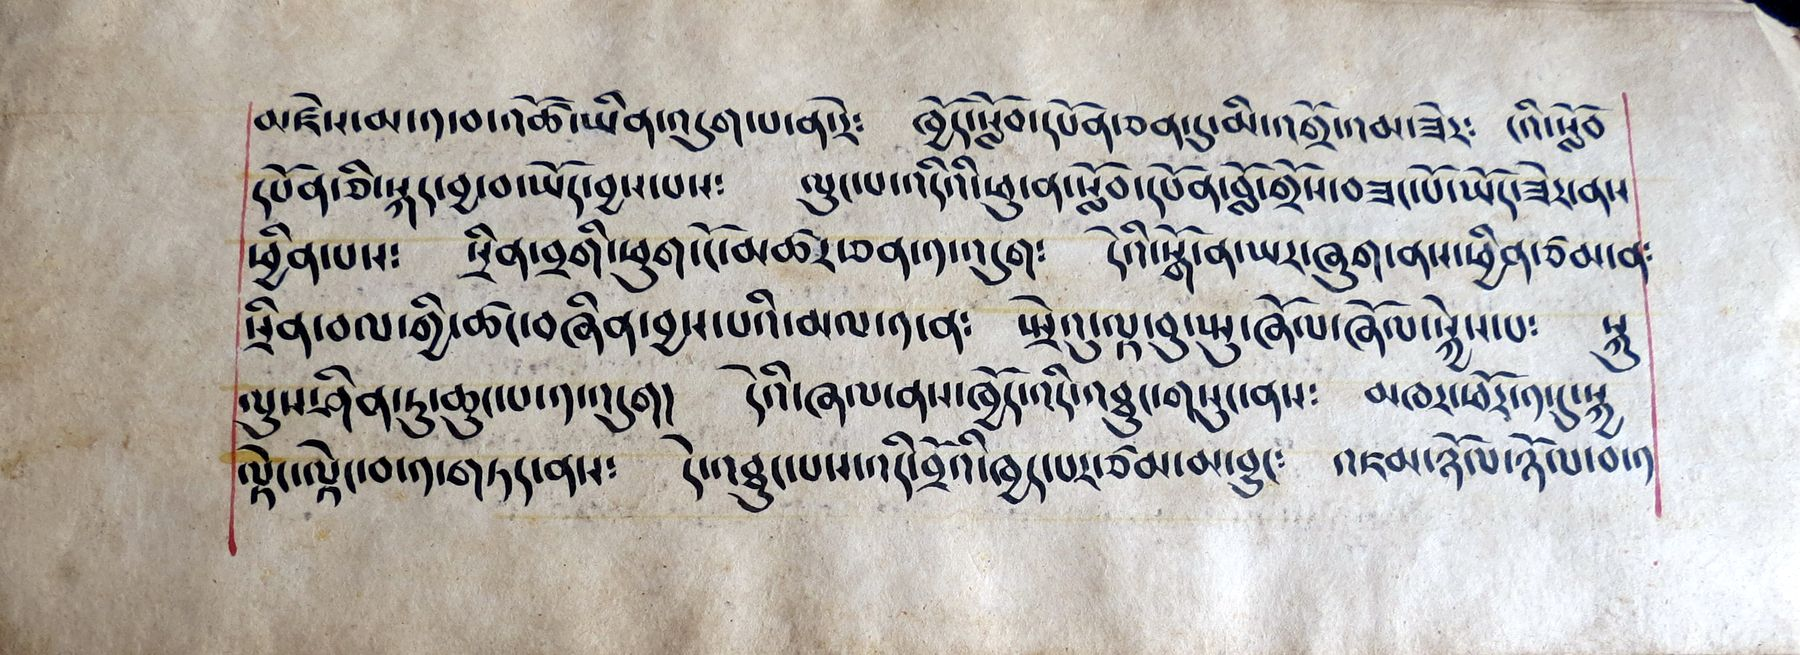མཛེས་མ་གཅིག་པ་འཚོ་ཡིན་འདུག་པ་ན་རེ། ཁྱོད་སློབ་དཔོན་ཅན་དུ་མི་འགྲོའམ་ཟེར། ངའི་སློབ་
དཔོན་ཅི་སྐད་བྱ་བ་ཡོད་བྱས་པས། ལུང་པ་འདིའི་ཕུ་ན་སློབ་དཔོན་བློ་གྲོས་བཟང་པོ་ཡོད་ཟེར་ནས་
ཕྱིན་པས། སྲིན་བྲག་གི་ཕུག་ངོ་མཚར་ཅན་ཅིག་འདུག དེའི་སྒོ་ན་ཡར་ཞུགས་ནས་ཕྱིན་ཙམ་ན། 
སྲིན་བལ་གྱི་ཚང་བཞིན་བྱས་པའི་མལ་ཅིག་ན། སྤྲེའུ་ལྟ་བུ་སྤུ་ཞོལ་ཞོལ་སྐྱེས་པ། སྐུ་
ལུས་ཤིན་ཏུ་ཆུང་བ་ཅིག་འདུག དེའི་ཞལ་ནས་ཁྱོད་འདི་འཐུང་གསུངས་ནས། མཁར་ཕོར་གཅིག་ཏུ་སྐྱ་
ལྟེང་ལྟེང་བ་གཏད་ནས། དེ་འཐུང་བས་འདི་བྲོའི་ཁྱད་པར་ཙམ་མ་བྱུང་། འཇམ་ཉོལ་ཉོལ་བ་ཅིག་